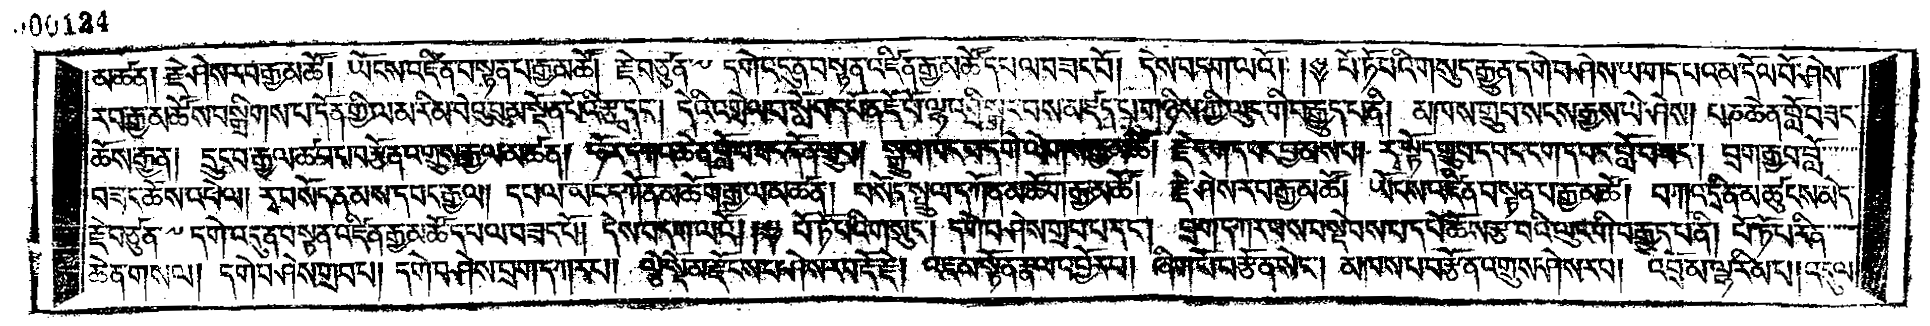མཚན། རྗེ་ཤེས་རབ་རྒྱ་མཚོ། ཡོངས་འཛིན་བསྟན་པ་རྒྱ་མཚོ། རྗེ་བཙུན ༧་དགེ་འདུན་བསྟན་འཛིན་རྒྱ་མཚོ་དཔལ་བཟང་པོ། དེས་བདག་ལའོ། །༈ པོ་ཏོ་པའི་གསུང་རྒྱུན་དགེ་བཤེས་ཡ་གད་པའམ་དོལ་བོ་ཤེས་
རབ་རྒྱ་མཚོ་ས་བསྒྲིགས་པ་དོན་གྱི་ལམ་རིམ་པེའུ་བུམ་སྔོན་པོའི་རྩྭ་དང་། དེའི་འགྲེལ་བ་སློབ་དཔོན་ཇོ་བོ་ལྷ་འབྲི་སྒང་བས་མཛད་པ་གཉིས་ཀྱི་ལུང་གི་བརྒྱུད་པ་ནི། མཁས་གྲུབ་སངས་རྒྱས་ཡེ་ཤེས། པཎ་ཆེན་བློ་བཟང་
ཆོས་རྒྱན། དྲུང་བ་རྒྱལ་ཚབ་པ་བརྩོན་འགྲུས་རྒྱལ་མཚན། ཧོར་དཀའ་ཆེན་བློ་བཟང་དོན་གྲུབ། སྒྲུབ་ཁང་བ་དགེ་ལེགས་རྒྱ་མཚོ། རྗེ་ངག་དབང་བྱམས་པ། རྭ་སྟོད་གྲུབ་དབང་ངག་དབང་བློ་བཟང་། བྲག་རྒྱབ་བློ་
བཟང་ཆོས་འཕེལ། རྭ་བསོད་ནམས་དབང་རྒྱལ། དཔལ་ཡང་དཀོན་མཆོག་རྒྱལ་མཚན། བསོད་སྤྲུལ་དཀོན་མཆོག་རྒྱ་མཚོ། རྗེ་ཤེས་རབ་རྒྱ་མཚོ། ཡོངས་འཛིན་བསྟན་པ་རྒྱ་མཚོ། བཀའ་དྲིན་མཚུངས་མེད་
རྗེ་བཙུན ༧་དགེ་འདུན་བསྟན་འཛིན་རྒྱ་མཚོ་དཔལ་བཟང་པོ། དེས་བདག་ལའོ། །༈ པོ་ཏོ་པའི་གསུང་། དགེ་བཤེས་གྲབ་པ་དང་། བྲག་དཀར་པས་བསྡེ་བས་པ་དཔེ་ཆོས་རྩ་བའི་ལུང་གི་བརྒྱུད་པ་ནི། པོ་ཏོ་པ་རིན་
ཆེན་གསལ། དགེ་བཤེས་གྲབ་པ། དགེ་བཤེས་བྲག་དཀར་པ། ལྕེ་སྡོམ་རྫོངས་པ་ཤེས་རབ་རྡོ་རྗེ། འཇམ་སྟོན་རྣལ་འབྱོར་པ། ཞིག་པོ་བརྩོན་སེང་། མཁས་པ་བརྩོན་འགྲུས་ཤེས་རབ། འབྲོམ་ལྷ་རིམ་པ། འདུལ་